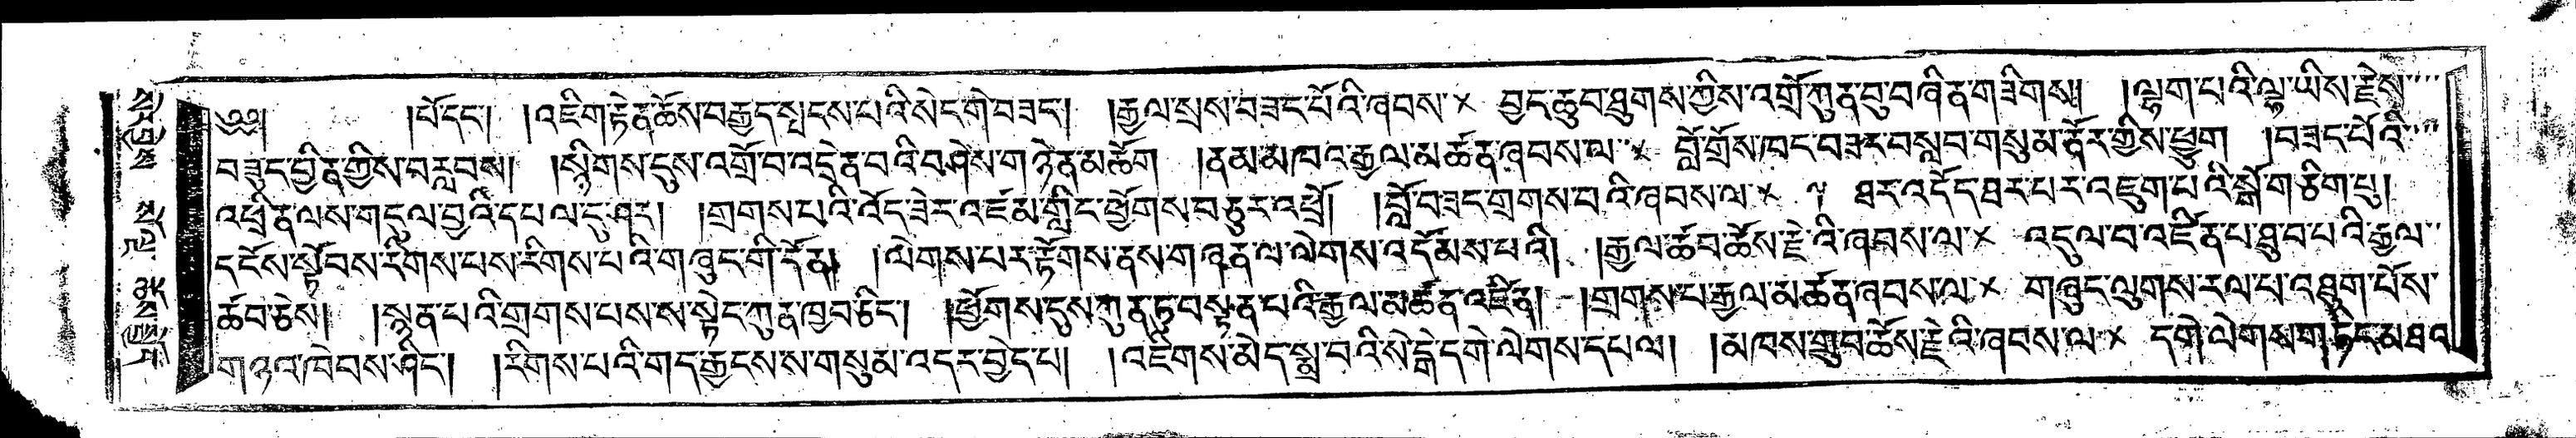༄༅། །པོ་དང་། །འཇིག་རྟེན་ཆོས་བརྒྱད་སྤངས་པའི་སེང་གེ་བཟང་། །རྒྱལ་སྲས་བཟང་པོའི་ཞབས་{྾}་བྱང་ཆུབ་ཐུགས་ཀྱིས་འགྲོ་ཀུན་བུ་བཞིན་གཟིགས། །ལྷག་པའི་ལྷ་ཡིས་རྗེས་
བཟུང་བྱིན་གྱིས་བརླབས། །སྙིགས་དུས་འགྲོ་བ་འདྲེན་པའི་བཤེས་གཉེན་མཆོག །ནམ་མཁའ་རྒྱལ་མཚན་ཞབས་ལ་{྾}་བློ་གྲོས་ཁང་བཟར་བསླབ་གསུམ་ནོར་གྱིས་ཕྱུག །བཟང་པོའི་
འཕྲིན་ལས་གདུལ་བྱའི་དཔལ་དུ་ཤར། །གྲགས་པའི་འོད་ཟེར་འཛམ་གླིང་ཕྱོགས་བཅུར་འཕྲོ། །བློ་བཟང་གྲགས་པའི་ཞབས་ལ་{྾}་༈ ཐར་འདོད་ཐར་པར་འཇུག་པའི་སྒོ་གཅིག་པུ།
དངོས་སྟོབས་རིགས་པས་རིགས་པའི་གཞུང་གི་དོན། །ལེགས་པར་རྟོགས་ནས་གཞན་ལ་ལེགས་འདོམས་པའི། །རྒྱལ་ཚབ་ཆོས་རྗེའི་ཞབས་ལ་{྾}་འདུལ་བ་འཛིན་པ་ཐུབ་པའི་རྒྱལ་
ཚབ་ཅེས། །སྙན་པའི་གྲགས་པས་ས་སྟེང་ཀུན་ཁྱབ་ཅིང་། །ཕྱོགས་དུས་ཀུན་ཏུ་བསྟན་པའི་རྒྱལ་མཚན་འཛིན། །གྲགས་པ་རྒྱལ་མཚན་ཞབས་ལ་{྾}་གཞུང་ལུགས་རལ་པ་འཐུག་པོས་
གཉའ་ཁེབས་ཤིང་། །རིགས་པའི་གད་རྒྱངས་ས་གསུམ་འདར་བྱེད་པ། །འཇིགས་མེད་སྨྲ་བའི་སེངྒེ་དགེ་ལེགས་དཔལ། །མཁས་གྲུབ་ཆོས་རྗེའི་ཞབས་ལ་{྾}་དགེ་ལེགས་གཏིང་མཐའ་